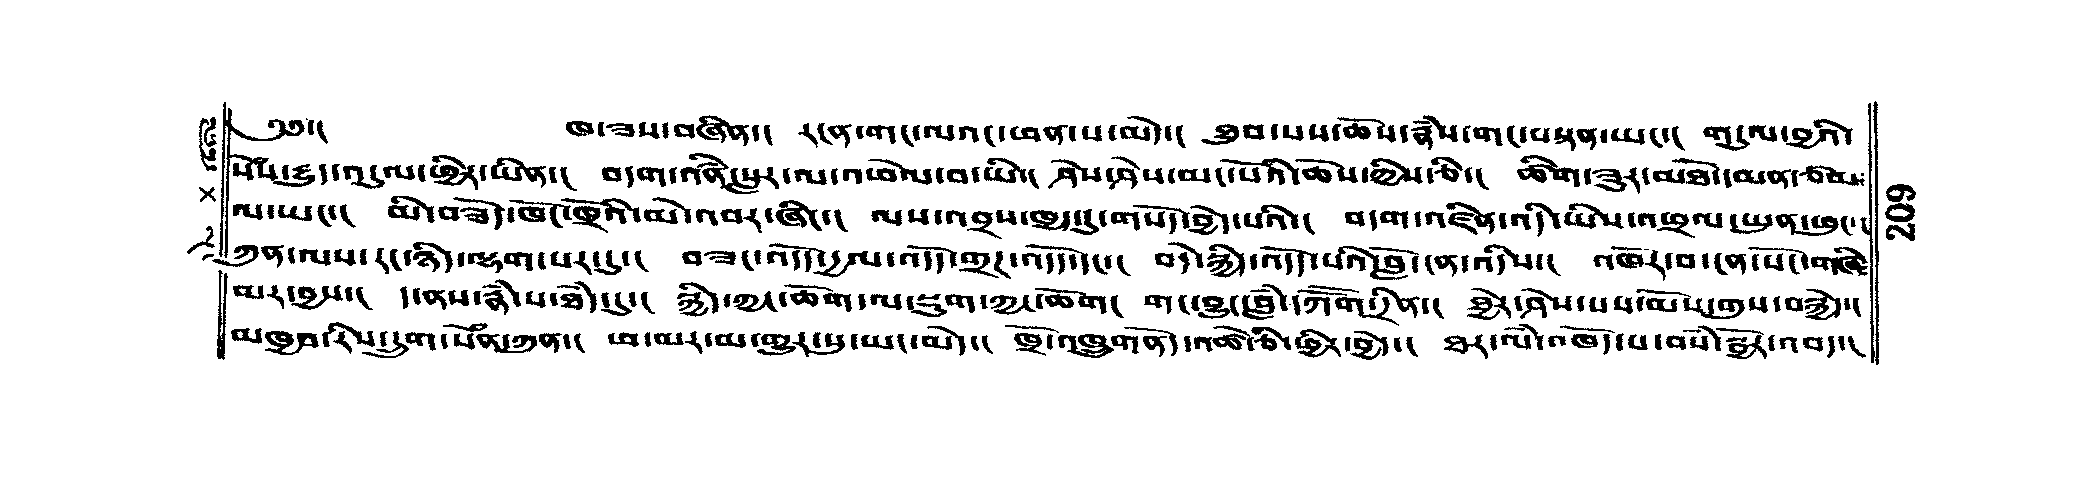ཁ་ཟས་བཞིན། རང་གཞན་གང་ལའང་ཕན་པ་མེད། །ཐུབ་པས་ཆོས་རྣམས་གང་བསྟན་ཡང་། །གདུལ་བྱའི་
སེམས་རྒྱུད་འདུལ་ཕྱིར་ཡིན། །བདག་འཛིན་སླར་ལ་འཕེལ་བ་ཡི། །ཤེས་ཤེས་མང་པོའི་ཆོས་ཀྱིས་ཅི། །ཚིག་ཟུར་མཐོ་དམན་ཙམ་
ལ་ཡང་། །མི་བཟོད་ཁོང་ཁྲོའི་མེ་འབར་ཞིང་། །ལས་འབྲས་ཁྱད་དུ་གསོད་བྱེད་པའི། །བདག་འཛིན་འདི་ཡིས་འཕྲལ་ཡུན་ཕུང་། །
ཀུན་ལས་རང་ཉིད་ལྷག་པར་དུ། །བཟང་འདོད་རྒྱལ་འདོད་གྲགས་འདོད་དང་། །བདེ་སྐྱིད་འདོད་པའི་བློ་ངན་འདིས། །འཁོར་བ་ངན་སོང་གཞི་
མར་བྱས། །ད་ནས་རྣམ་པ་ཐམས་ཅད་དུ། །སྐྱིད་ཀྱང་ཆོག་ལ་སྡུག་ཀྱང་ཆོག།གང་བྱུང་བླ་མ་དཀོན་མཆོག་དྲིན། །ཐུགས་རྗེར་ཤེས་པས་མོས་གུས་བསྐྱེད། །
མཁའ་ཁྱབ་རིགས་དྲུག་སེམས་ཅན་ཀུན། །ཕ་མར་མ་གྱུར་སུ་ཡང་མེད། །ཁྲོ་འཁྲུགས་གནོད་འཚེ་ཅི་ཕྱིར་བྱེད། །ཐར་ལམ་འཁོད་པ་བསེམ་སྦྱོར་འབད།